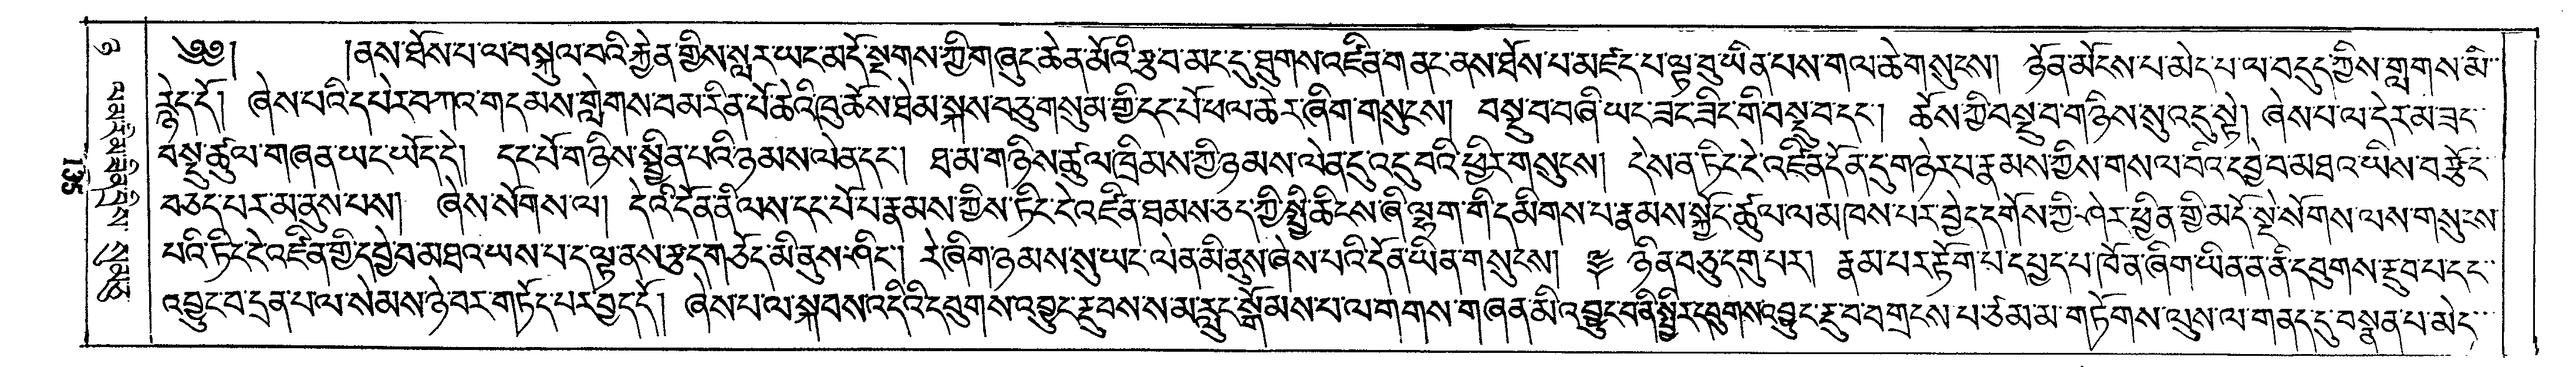༄༅། །ནས་ཐོས་པ་ལ་བསྐུལ་བའི་རྐྱེན་གྱིས་སླར་ཡང་མདོ་སྔགས་ཀྱི་གཞུང་ཆེན་མོའི་རྩ་བ་མང་དུ་ཐུགས་འཛིན་གནང་ནས་ཐོས་པ་མཛད་པ་ལྟ་བུ་ཡིན་པས་གལ་ཆེ་གསུངས། ཉོན་མོངས་པ་མེད་པ་ལ་བདུད་ཀྱིས་གླགས་མི་
རྙེད་དོ། ཞེས་པའི་དཔེར་བཀའ་གདམས་གླེགས་བམ་རིན་པོ་ཆེའི་ཁུ་ཆོས་ཐེམ་སྐས་བཅུ་གསུམ་གྱི་དང་པོ་ཕལ་ཆེར་ཞིག་གསུངས། བསྡུ་བ་བཞི་ཡང་ཟང་ཟིང་གི་བསྡུ་བ་དང་། ཆོས་ཀྱི་བསྡུ་བ་གཉིས་སུ་འདུ་སྟེ། ཞེས་བ་ལ་དེར་མ་ཟད་
བསྡུ་ཚུལ་གཞན་ཡང་ཡོད་དེ། དང་པོ་གཉིས་སྦྱིན་པའི་ཉམས་ལེན་དང་། ཐ་མ་གཉིས་ཚུལ་ཁྲིམས་ཀྱི་ཉམས་ལེན་དུ་འདུ་བའི་ཕྱིར་གསུངས། དེས་ན་ཏིང་ངེ་འཛིན་དོན་དུ་གཉེར་པ་རྣམས་ཀྱིས་གསལ་བའི་དབྱེ་བ་མཐའ་ཡས་བ་རྩད་
བཅད་པར་མི་ནུས་པས། ཞེས་སོགས་ལ། དེའི་དོན་ནི་ལས་དང་པོ་པ་རྣམས་ཀྱིས་ཏིང་ངེ་འཛིན་ཐམས་ཅད་ཀྱི་སྤྱི་ཆིངས་ཞི་ལྷག་གི་དམིགས་པ་རྣམས་སྐྱོང་ཚུལ་ལ་མཁས་པར་བྱེད་དགོས་ཀྱི་ཤེར་ཕྱིན་གྱི་མདོ་སྡེ་སོགས་ལས་གསུངས་
པའི་ཏིང་ངེ་འཛིན་གྱི་དབྱེ་བ་མཐའ་ཡས་པ་ད་ལྟ་ནས་རྩད་གཅོད་མི་ནུས་ཤིང་། རེ་ཞིག་ཉམས་སུ་ཡང་ལེན་མི་ནུས་ཞེས་པའི་དོན་ཡིན་གསུངས། ༈ ཉིན་བཅུ་དགུ་བར། རྣམ་པར་རྟོག་པ་དཔྱད་པ་ཁོ་ན་ཞིག་ཡིན་ན་ནི་དབུགས་རྡུབ་པ་དང་
འབྱུང་བ་དྲན་པ་ལ་སེམས་ཉེ་བར་གཏོད་པར་བྱེད་དོ། ཞེས་བ་ལ་སྐབས་འདིའི་དབུགས་འབྱུང་རྡུབས་སམ་རླུང་སྒོམས་པ་ལ་གེགས་གཞན་མི་འབྱུང་བ་ནི་སྤྱིར་དབུགས་འབྱུང་རྡུབ་བགྲངས་པ་ཙམ་མ་གཏོགས་ལུས་ལ་གནད་དུ་བསྣུན་པ་མེད་